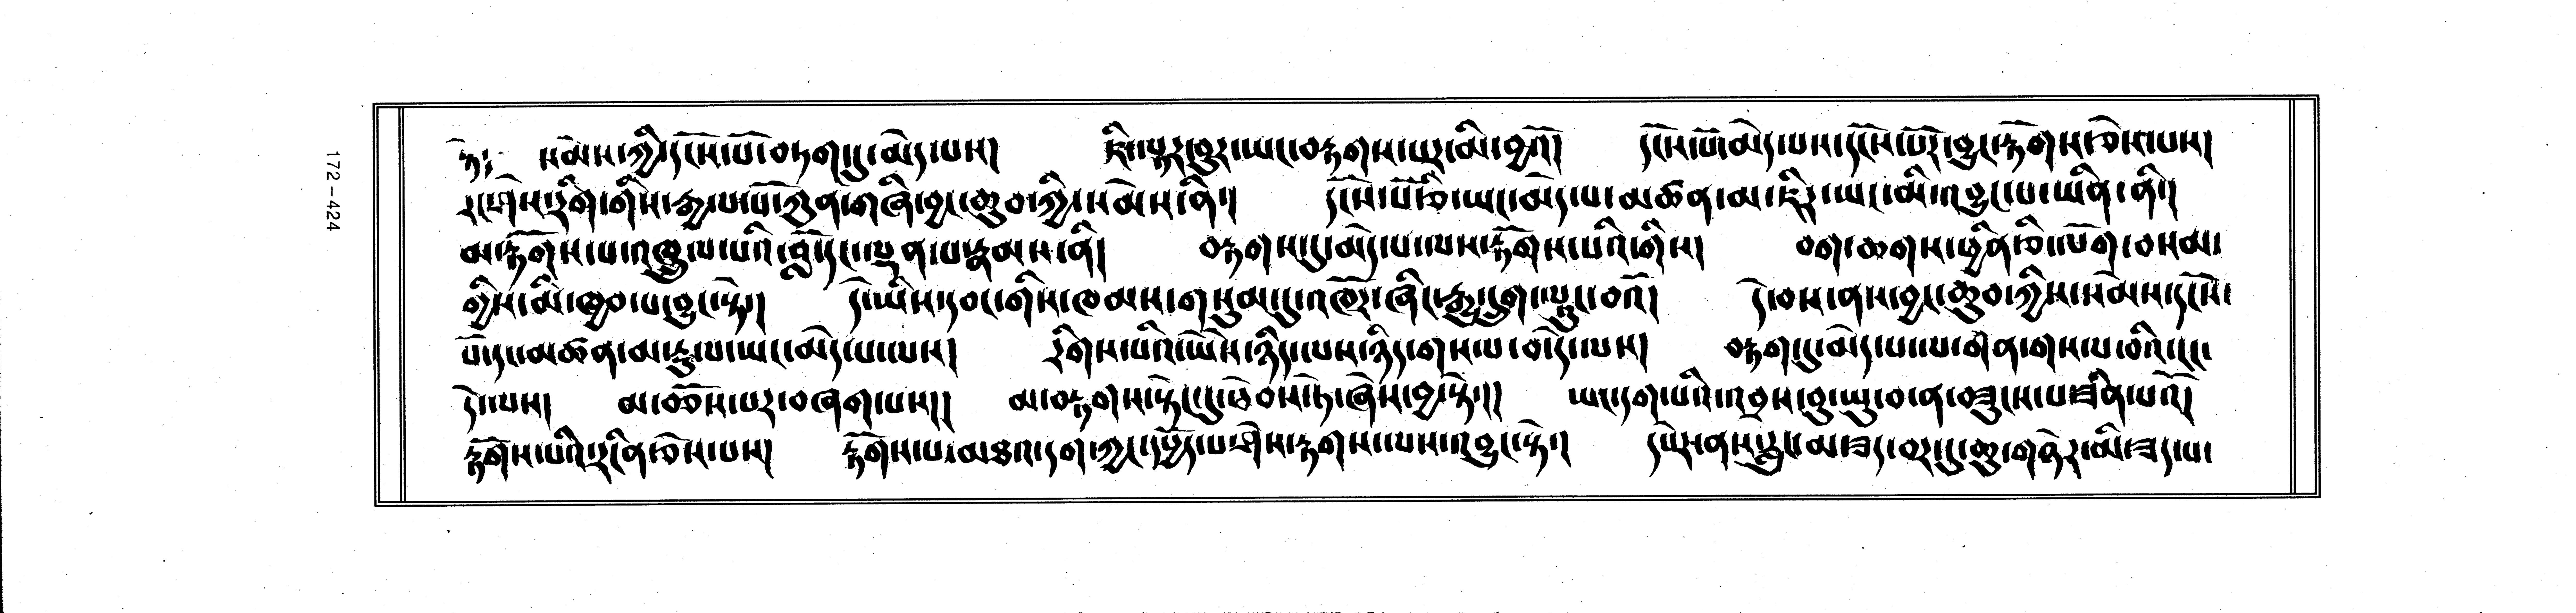སྟེ། སེམས་ཀྱི་དངོས་པོ་བརྟགས་དུ་མེད་པས། ཇི་ལྟར་བོར་ཡང་བརྟགས་པར་མི་བྱའོ། དངོས་པོ་མེད་པས་དངོས་པོར་བྱུང་རྟོགས་ཅེས་པས། 
རང་ཤེས་རིག་གིས་རྒྱལ་པོ་ཀུན་གཞི་བྱང་ཆུབ་ཀྱིས་སེམས་ནི། དངོས་པོ་ཅི་ཡང་མེད་པ་མཚན་མ་ཇིར་ཡང་མི་འབྱུང་པ་ཡིན་ནི། 
མ་རྟོགས་པ་འཁྲུལ་པའི་བློ་དང་ལྡན་པ་རྣམས་ནི། བརྟགས་དུ་མེད་པ་ལས་རྟོགས་པའི་གིས། བག་ཆགས་ཕྱིན་ཅི་ལོག་བསམ་
གྱིས་མི་ཁྱབ་པ་བྱུང་སྟེ། དེ་ཡིས་དབང་གིས་ཁམས་གསུམ་དུ་འཁོར་ཞིང་རྒྱུ་དྲུག་ལྟུང་བའོ། དེ་བས་ནས་བྱང་ཆུབ་ཀྱིས་སེམས་དངོས་པོ
་དང་མཚན་མ་རྡུལ་ཡང་མེད་པ་ལས། རིག་པའི་ཡེ་ཤེས་ཉིད་ལས་ཉིད་གསལ་བ་དེ་ལས། བརྟགས་དུ་མེད་པ་ལ་གན་གསལ་བའི་ངང་
དེ་ལས། མ་བཅོས་པར་བཞག་པས། མ་བརྟགས་སྟེང་དུ་ཕེབས་ཞེས་བྱ་སྟེ། ཡང་དག་པའི་འབྲས་བུ་ཡུ་བ་ན་བཟུངས་པ་ཟིན་པའོ། 
རྟོགས་པའི་རང་བཞིན་ཅེས་པས། རྟོགས་པ་མཐའ་དག་ཀྱང་དཔྱོད་པ་ཤེས་རྟོགས་ལས་འབྱུང་སྟེ། དཔེར་ནས་རླུང་མ་ཟད་བར་དུ་ཆུ་གཉེར་མི་ཟད་པ་